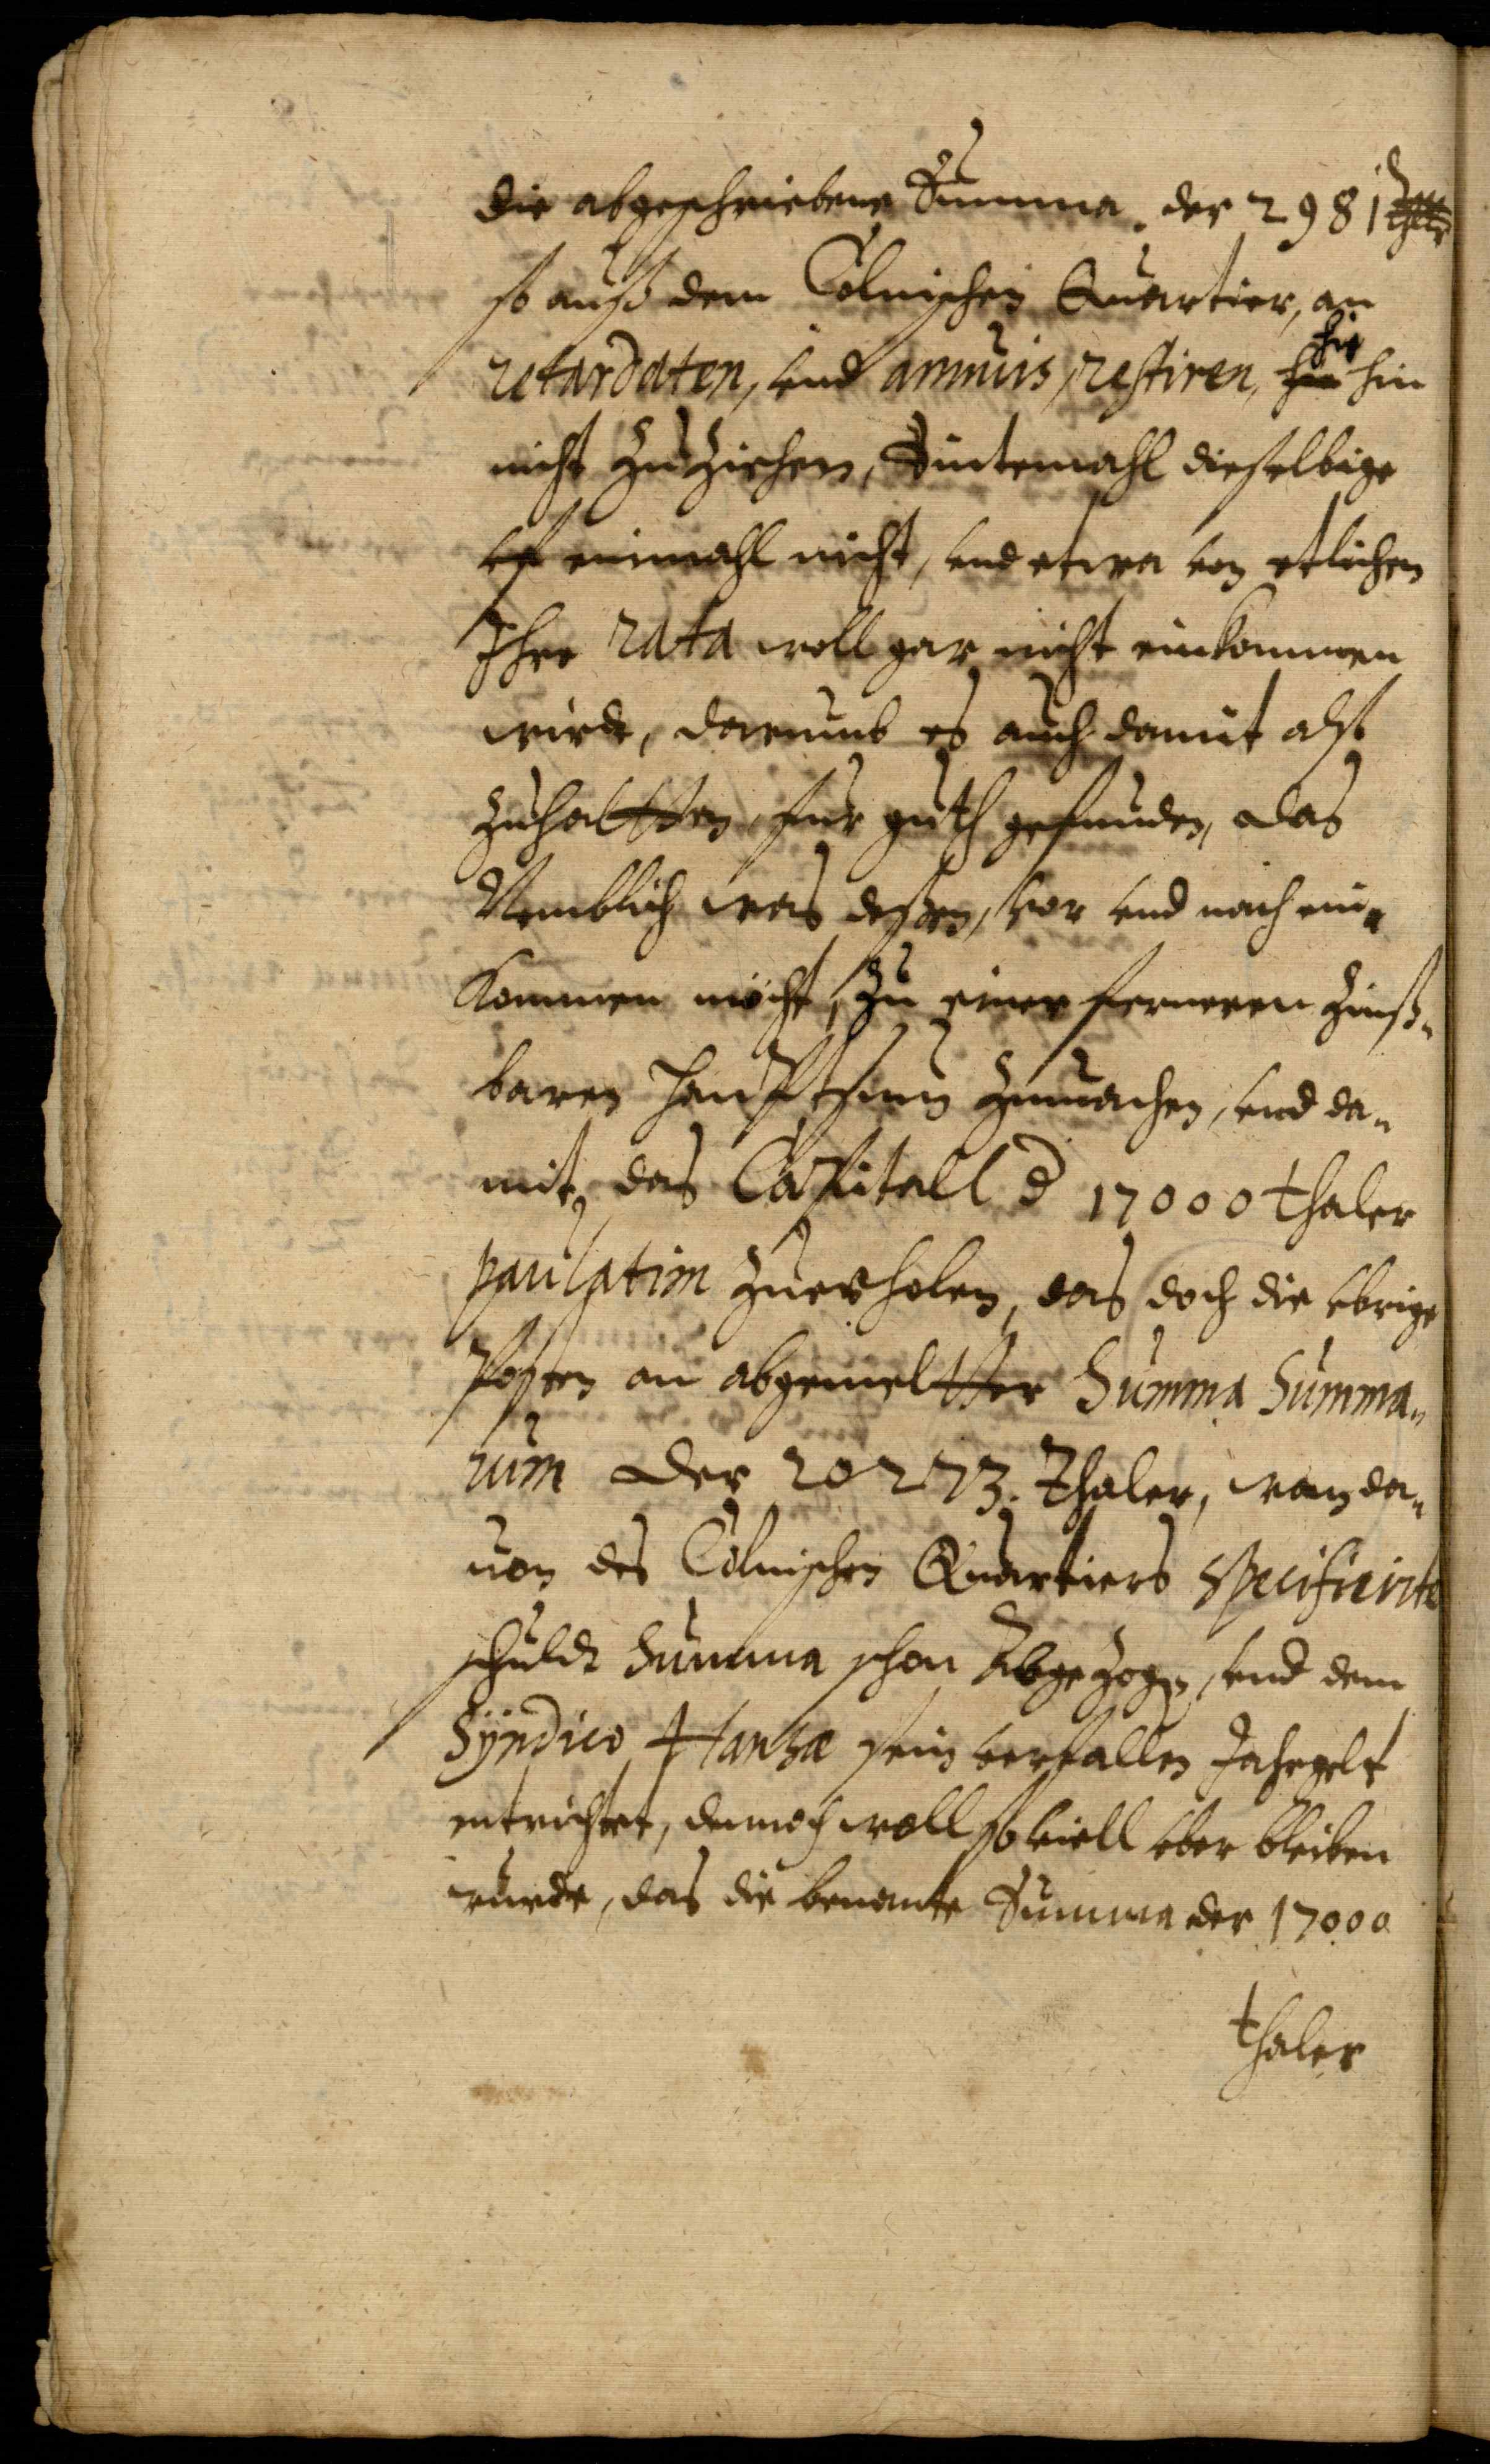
die abgeschriebene Summa der 2981 Reichsthaler
so auß dem Colnischen Quartier, an
retardaten, vnd annuis, restiren, hin hie hin
nicht zuziehen, sintemahl dieselbige
vf einmahl nicht, vnd etwa von etlichen
Ihro rata woll gar nicht einkommen
wird, darumb es auch damit alß
zuhaltten fur guth gefunden, das
Nemblich was deßen, vor vnd nach ein¬
kommen möcht, zu einer ferneren zinß¬
baren Hauptzinns zumachen, vnd da¬
mit das Capitall der 17000 thaler
paulatim zuerholen, das doch die vbrige
Posten an abgemeltter Summa Summa¬
rum der 20273 Thaler, wan da¬
uon des Colnischen Quartier specificirte
schuldt Summa schon abgezogen, vnd dem
Sijndico Hansae sein vorfallen Jahrgelt
entrichtet, dennoch woll so viell vber bleiben
wurde, das die benante Summa der 17000
thaler
